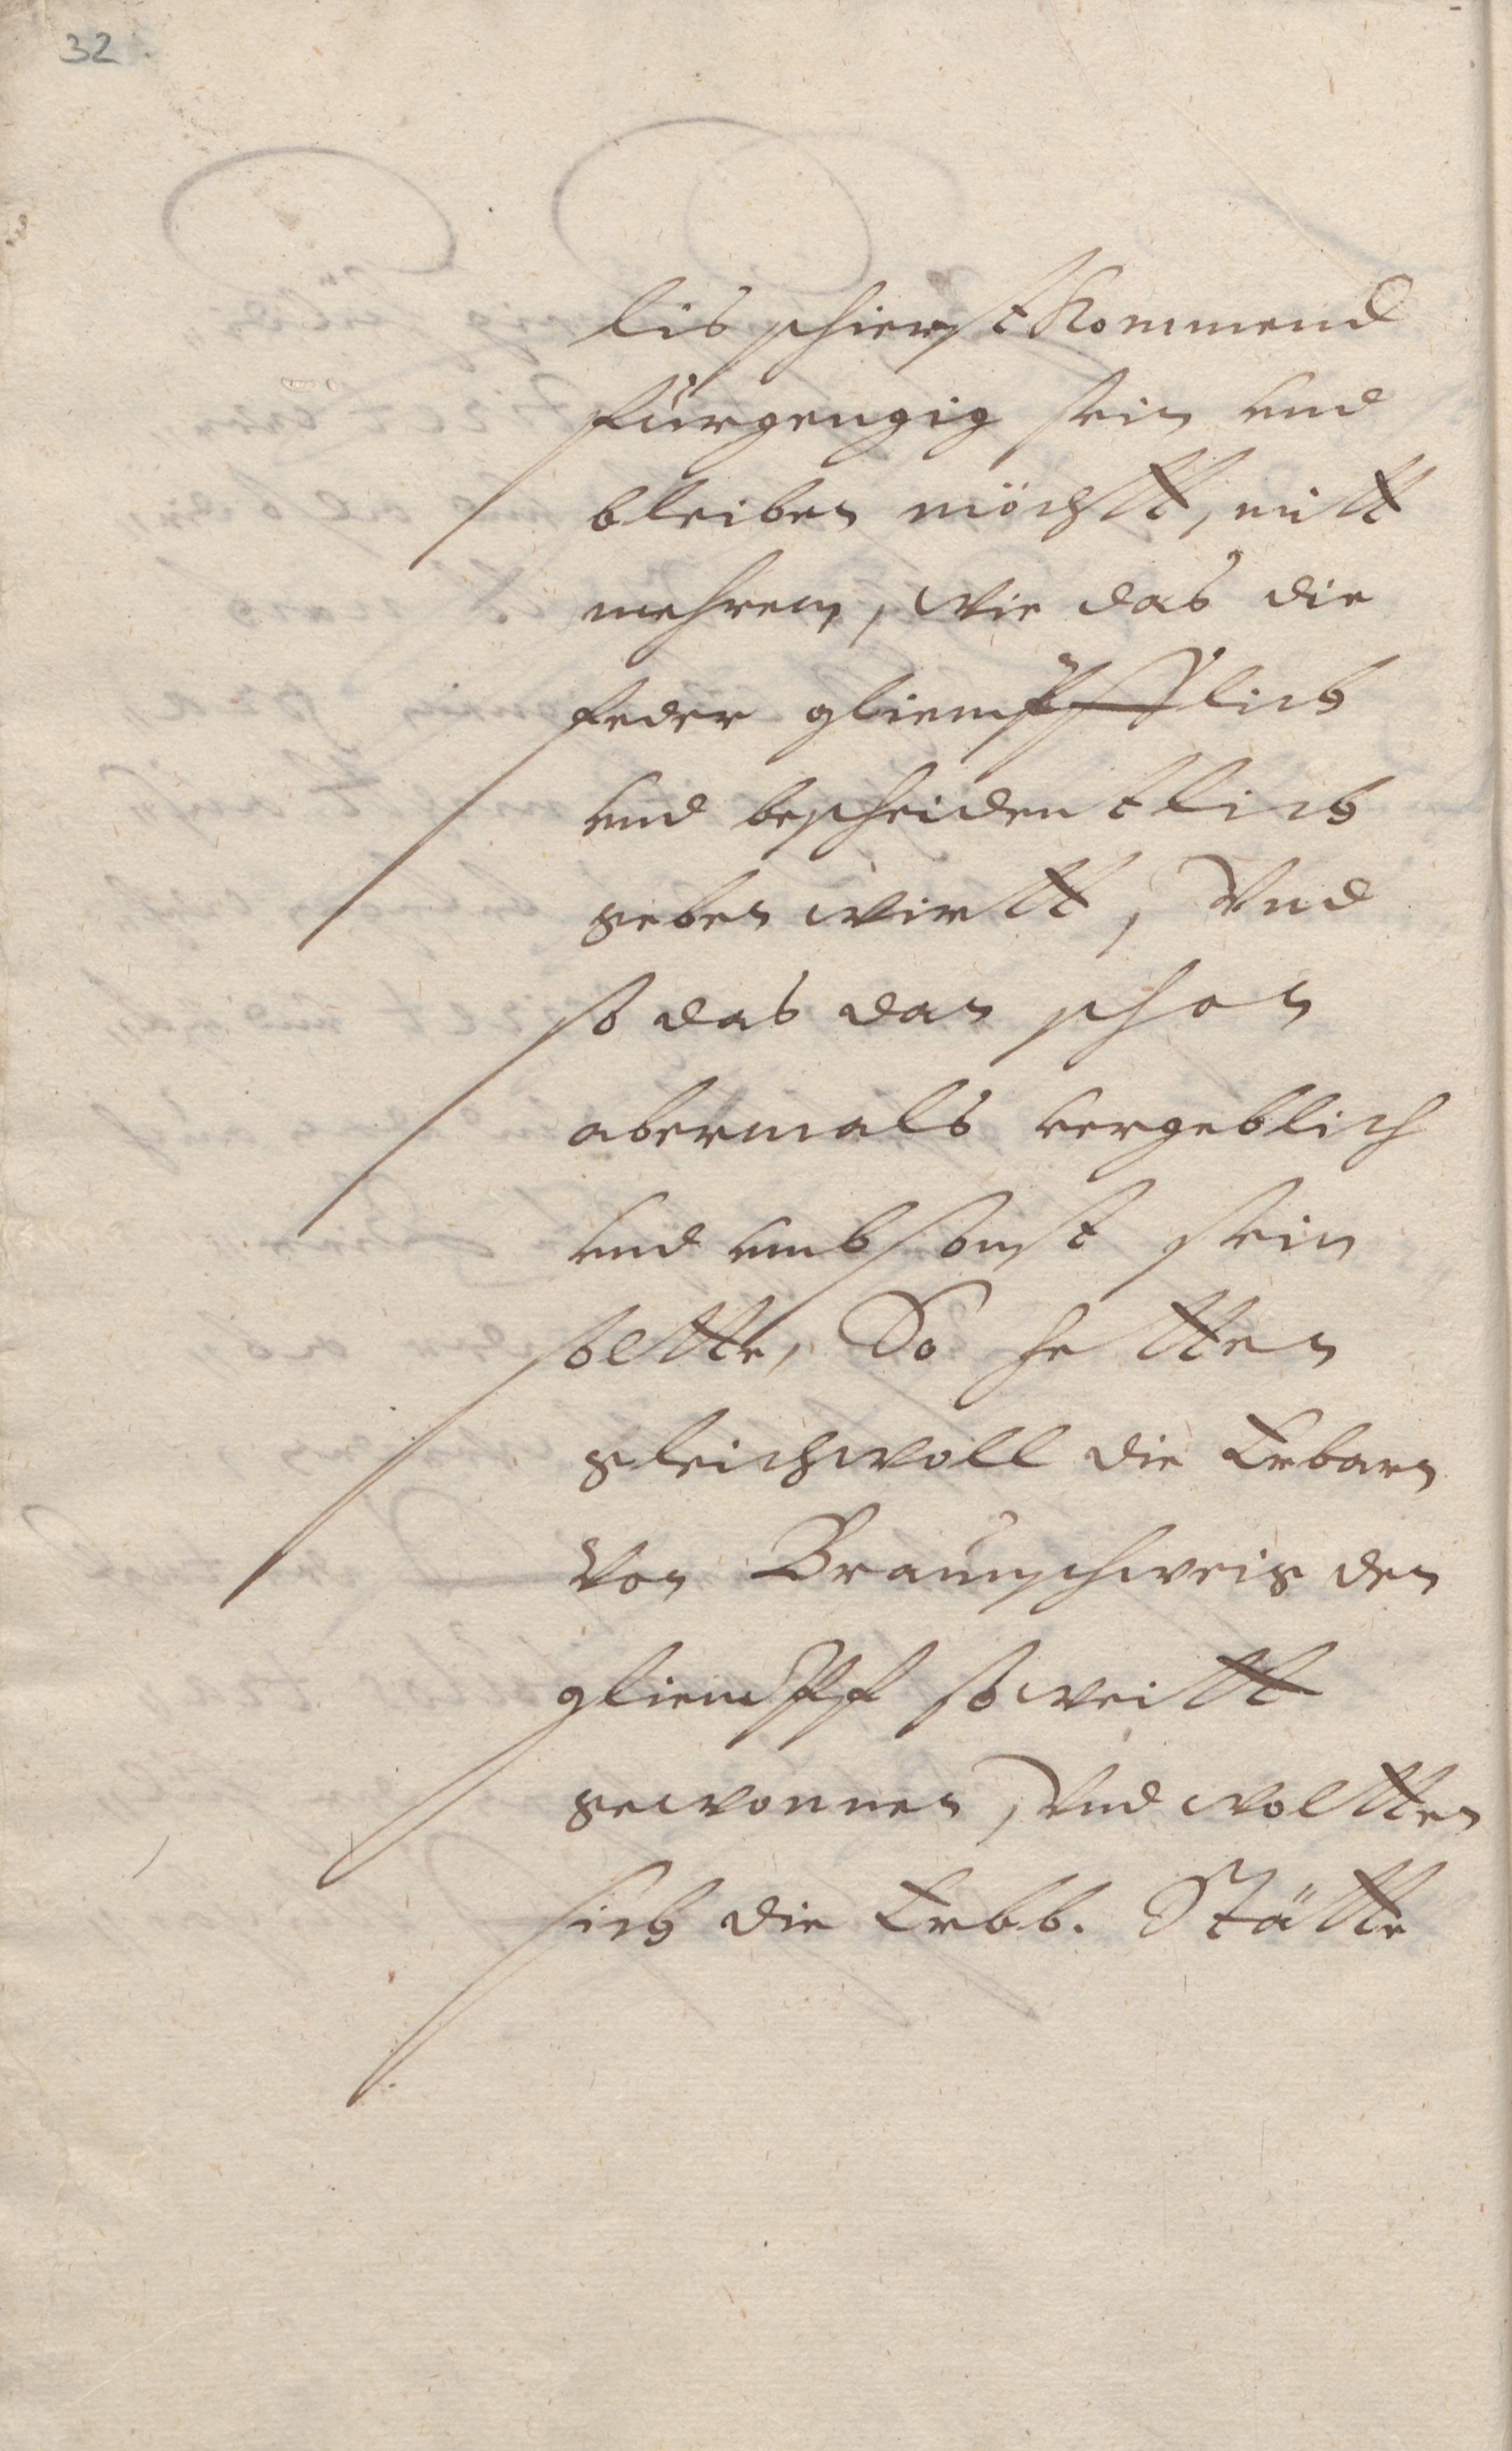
lis schierstkommend,
furgengig sein vnd
bleiben möchtt, mitt
mehren, wie das die
feder glimpfflich
vnd bescheidentlich
geben wirtt, Vnd
so das dan schon
abermals vergeblich
vnd vmbsonst sein,
soltte, So hetten
gleichwoll die Erbarn
von Braunschweig den
glimpf soweitt
gewonnen, vnd woltten,
sich die Erbb. Stätte
